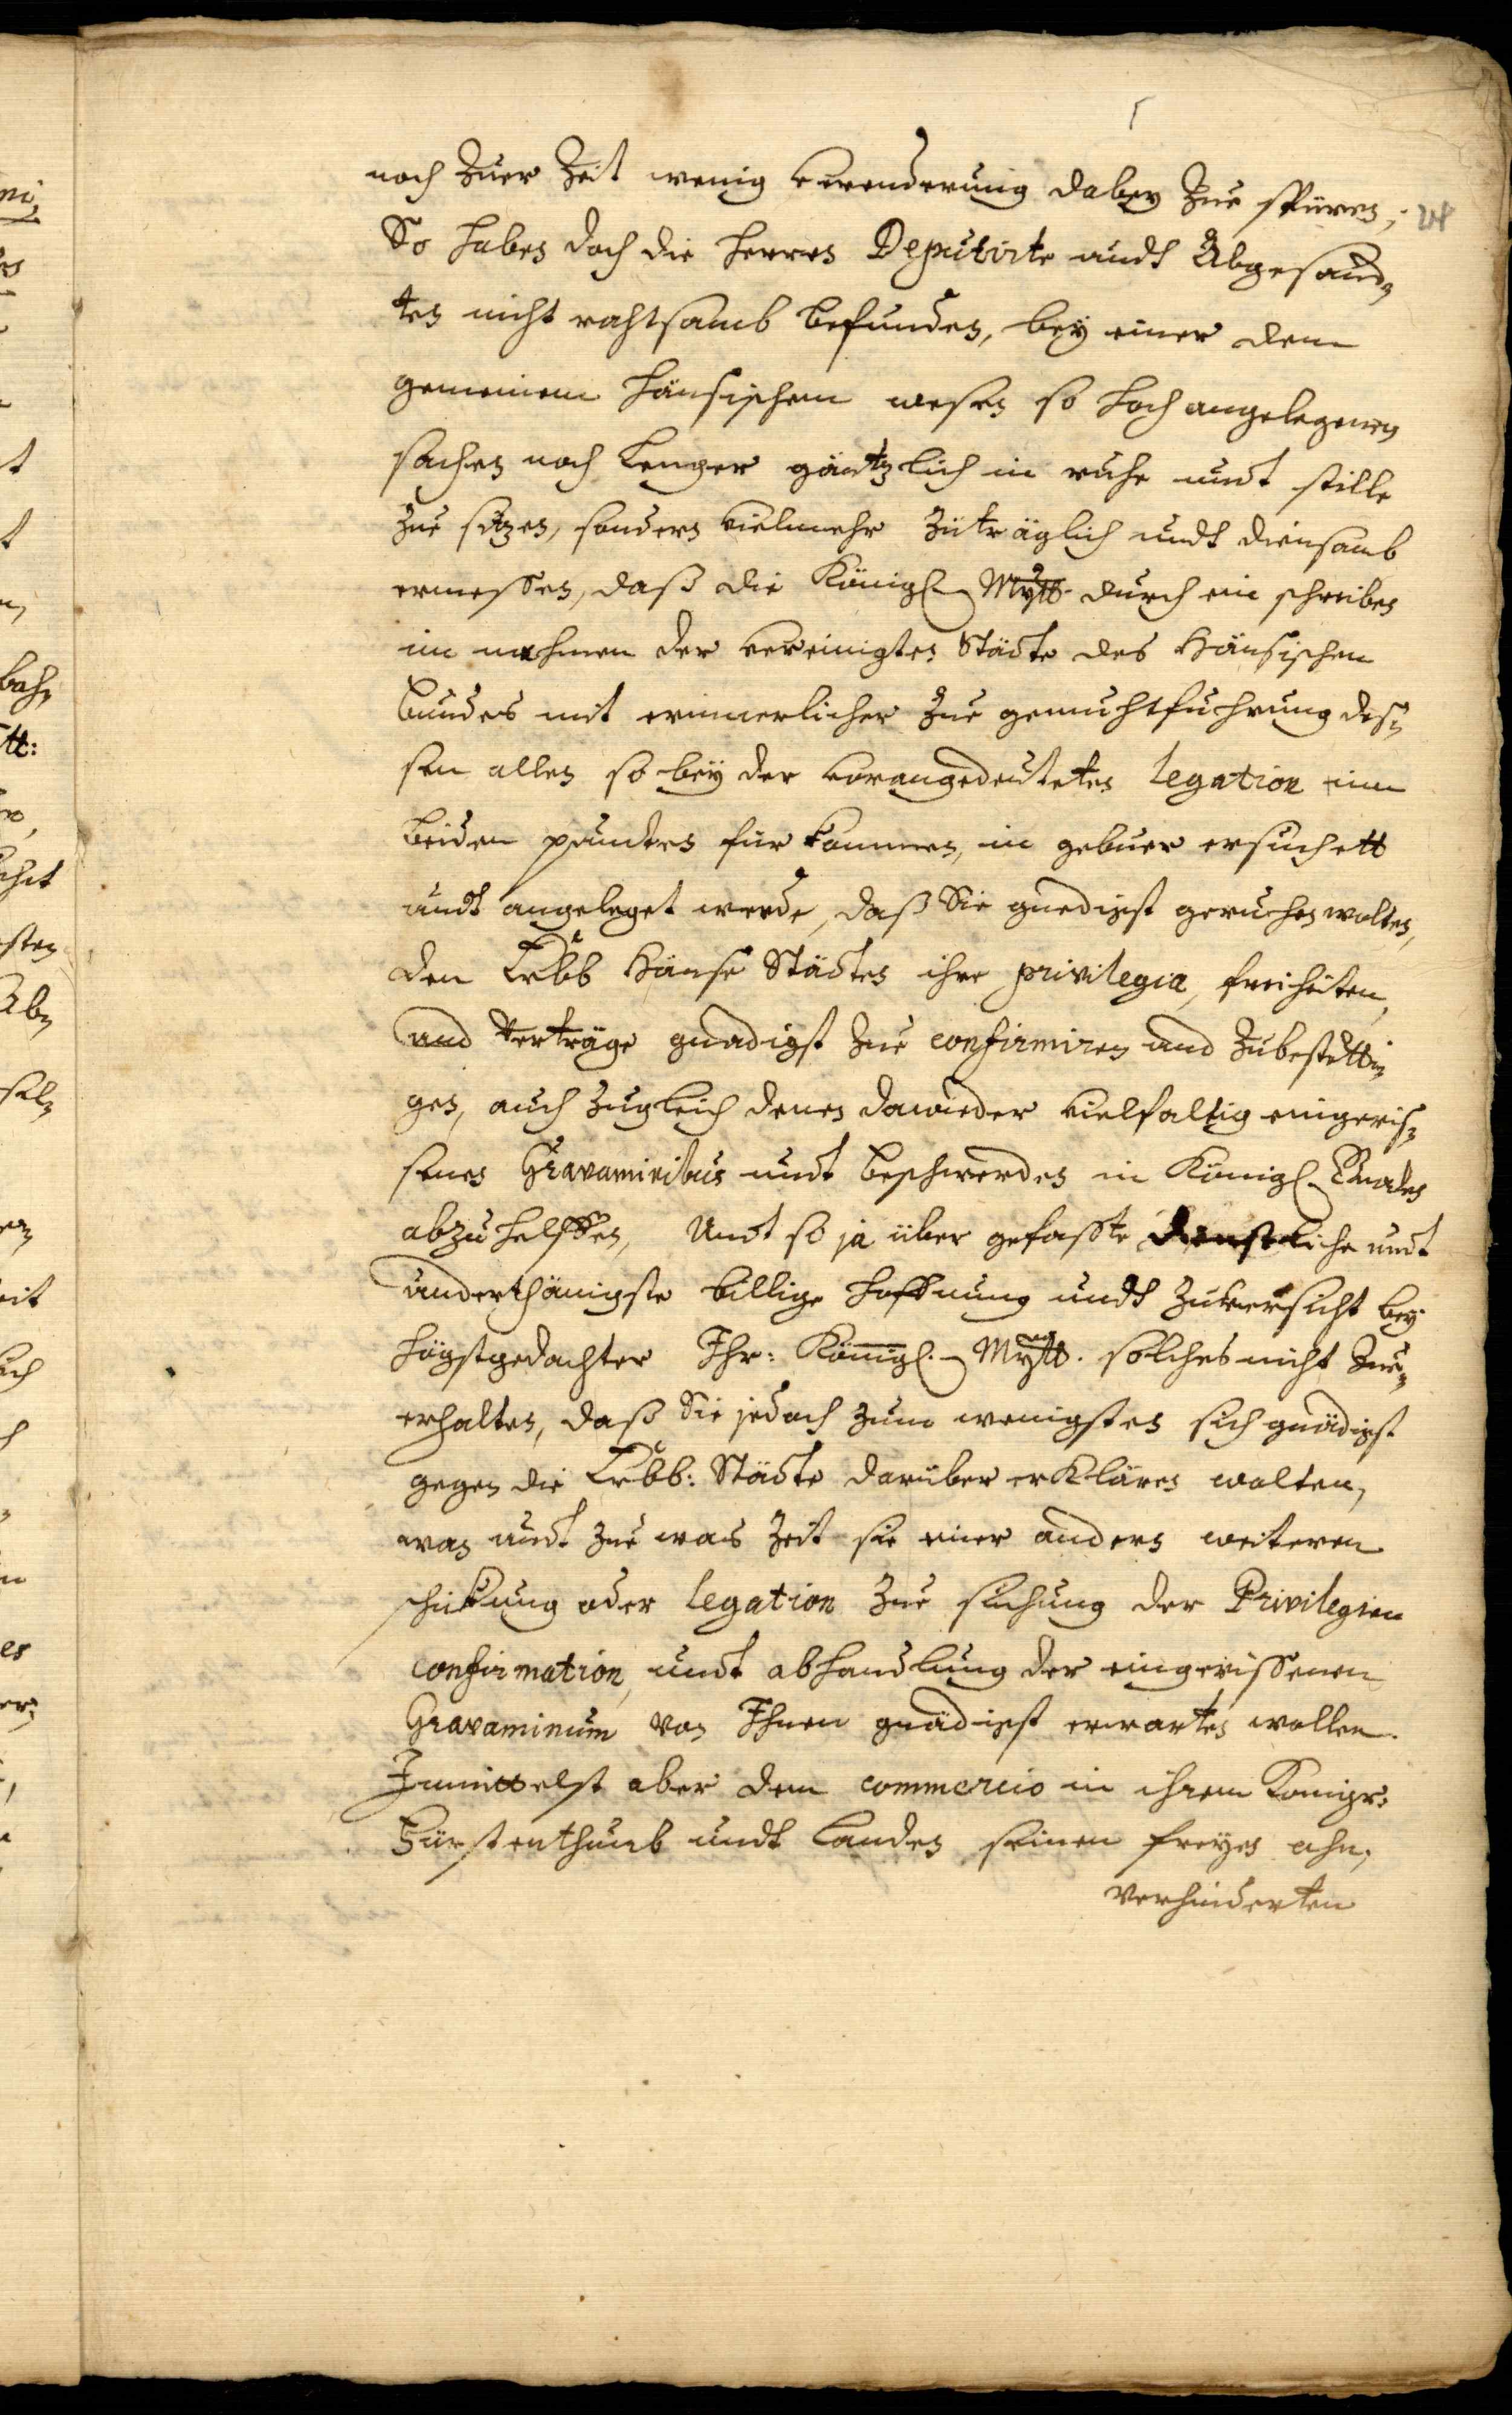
noch zuer zeit wenig verenderung dabey zue spüren,
So haben doch die herren Deputirte undt Abgesand¬
ten nicht rahtsamb befunden, beij einer dem
gemeinem hänsischem wesen so hoch angelegenen
sachen noch lenger gäntzlich in ruhe undt stille
zue sitzen, sondern vielmehr züträglich undt diensamb
ermessen, daß die Königl. Mytt. durch ein schreiben
im nahmen der vereinigten Städte des Hänsischen
bundes mit erinnerlicher zue gemuhtfuhrung des¬
sen allen so beij der vorangedeuteten Legation inn
beiden puncten für kommen, in gebuer ersuchett
undt angeleget werde, daß Sie gnedigst geruhen wolten,
den Erbb Hänse Städten ihre privilegia, freiheiten,
und Verträge gnadigst zue confirmiren und zubestetti¬
gen, auch zugleich denen dawieder vielfaltig eingeris¬
senen Gravaminibus undt beschwerden in königl. Gnaden
abzuhelffen, Undt so ja über gefasste, dienstliche undt
underthänigste billige hoffnung undt zuversicht beij
högstgedachter Ihr: Königl. Mijtt. solches nicht zue¬
erhalten, daß Sie jedoch zum wenigsten sich gnädigst
gegen die Erbb: Städte darüber erklären wolten,
wan undt zue was zeit sie einer andern weiteren
schickung oder Legation zue suchung der Privilegien
confirmation, undt abhandlung der eingerissenen
Gravaminum von Ihnen gnädigst erwarten wollen.
Inmittelst aber dem commercio in ihrem Konigr:
Fürstenthumb undt landen seinen freijen ohn¬
verhinderten
